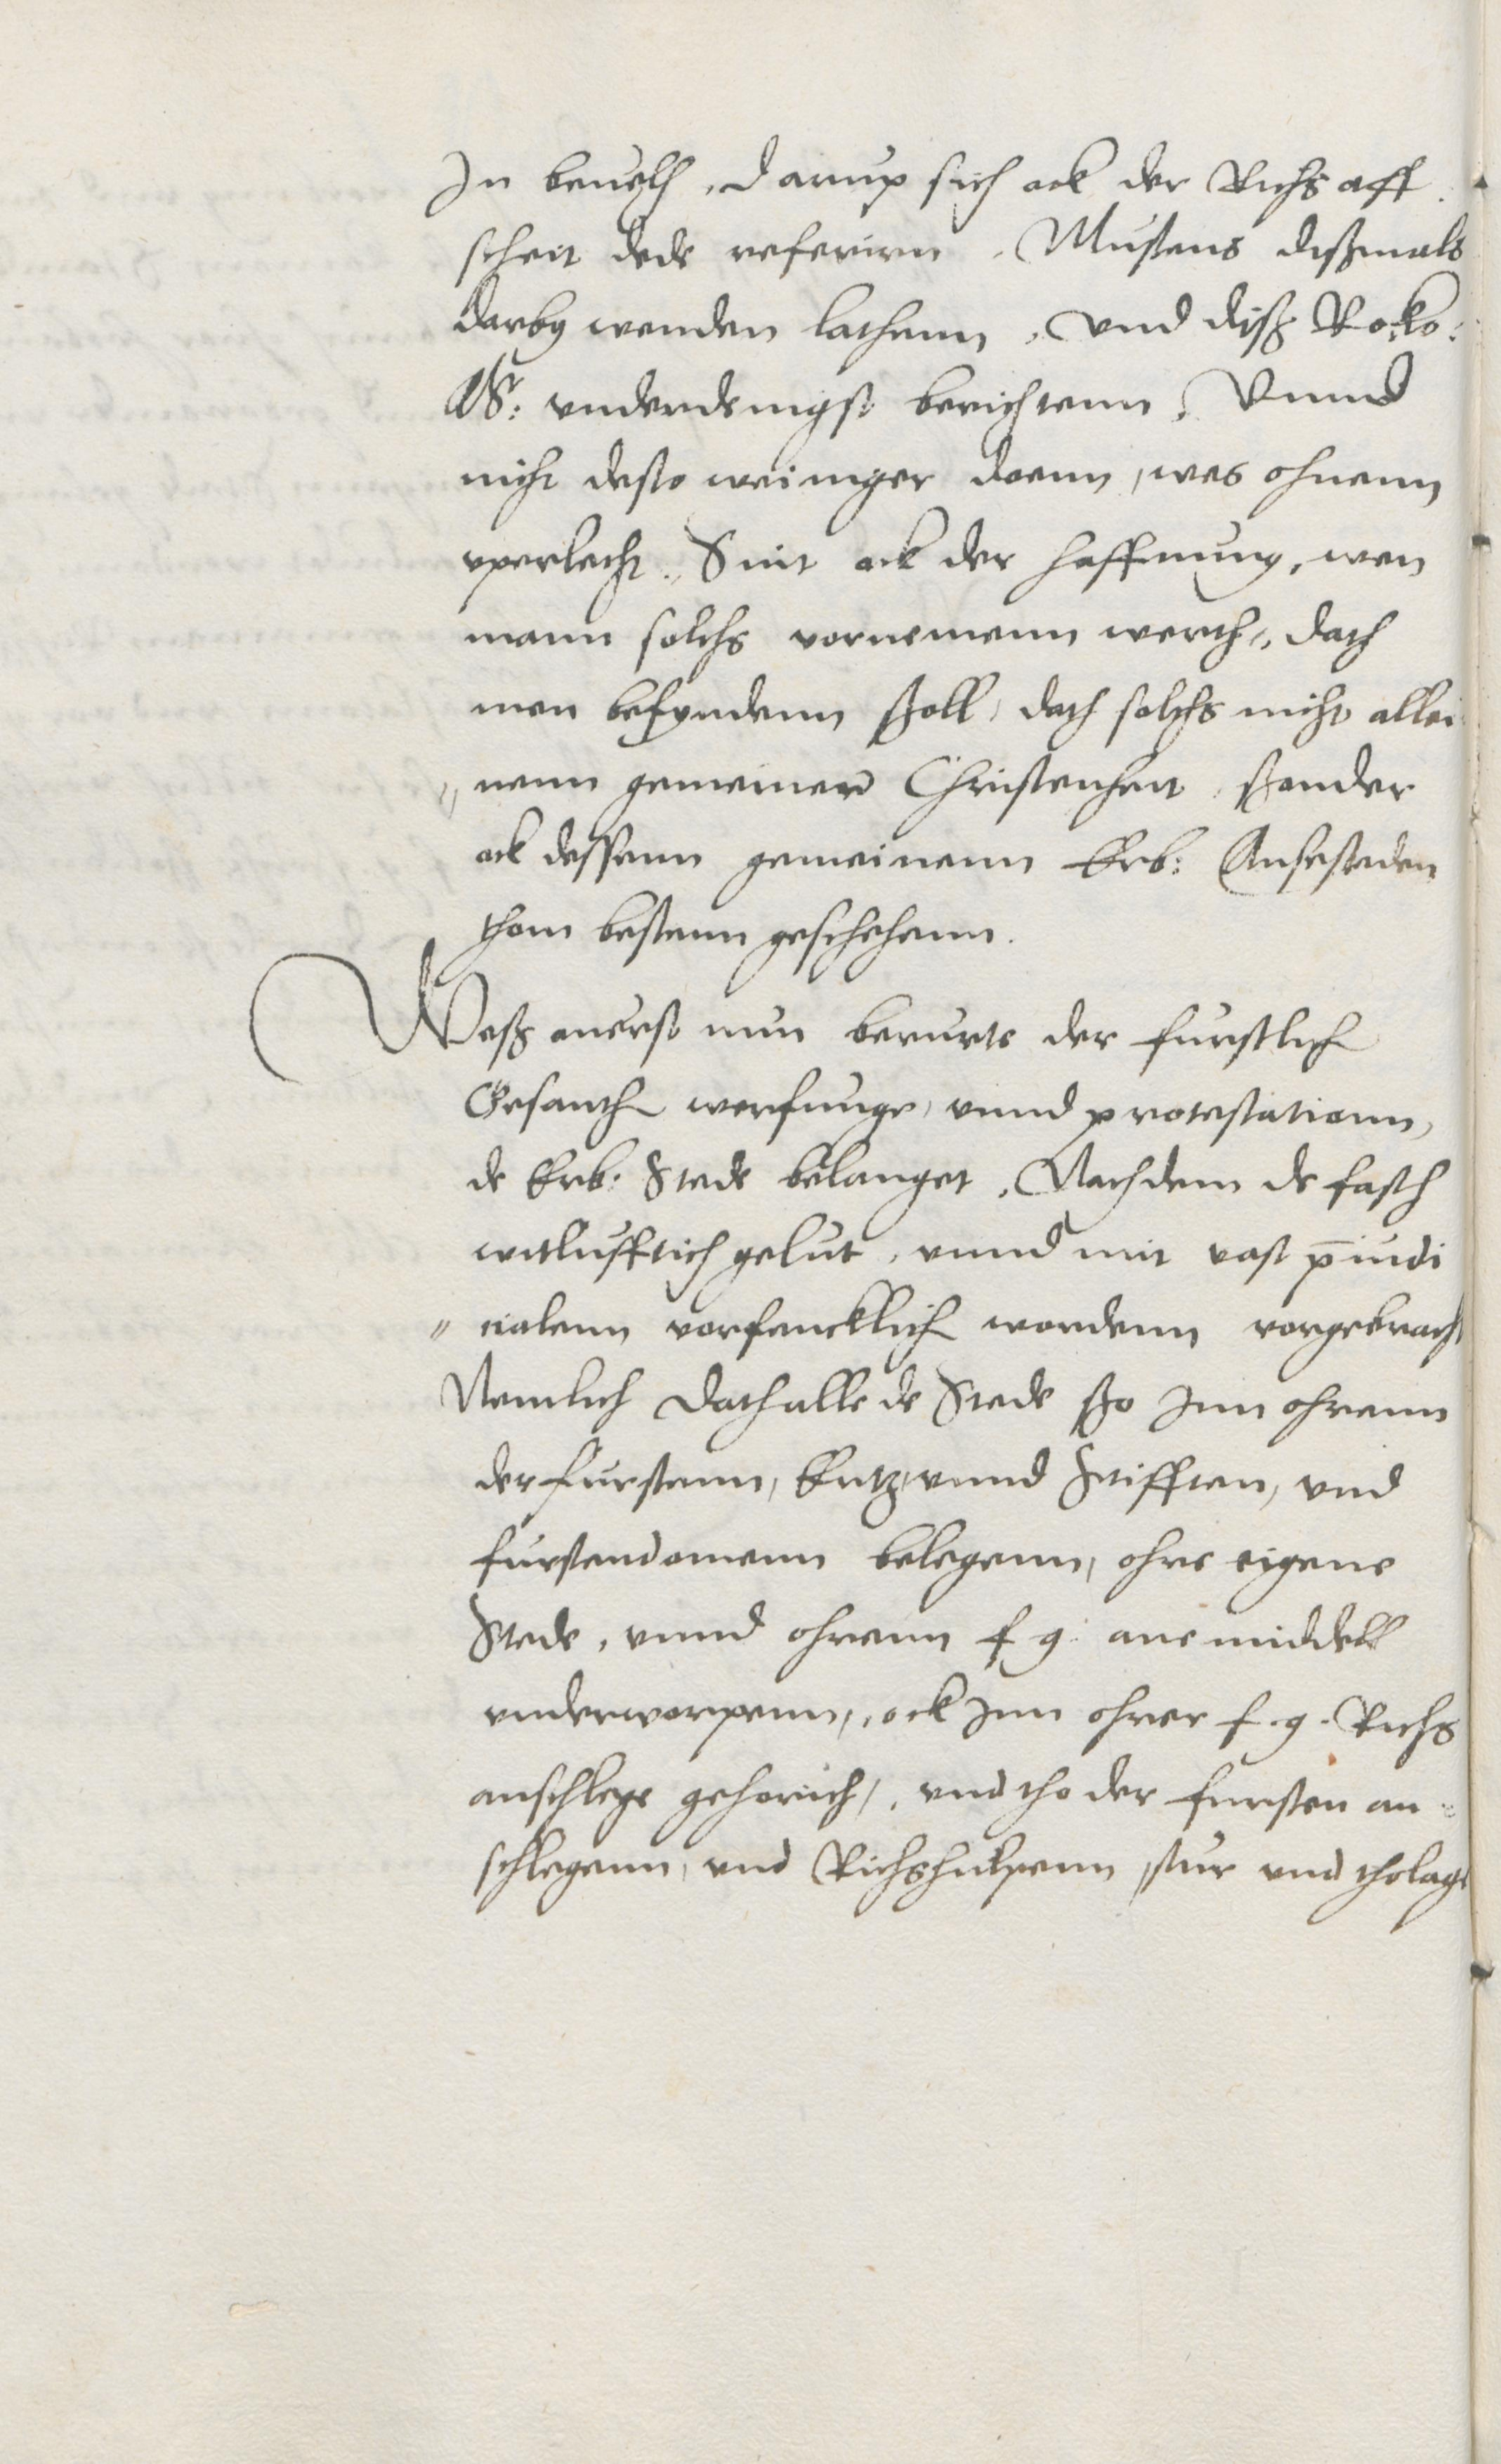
jn beuelh, darup sich ock der Richs aff¬
scheit dede referirn. Mustens dißmals
darby wenden lathenn, vnd diß Ro: Ko:
Mt: vnderdenigst berichtenn, Vnnd
nicht desto weiniger doenn, wes ohnenn
vperlecht, Sint ock der hoffnung, wen
mann solchs vornemenn werth, dath
men befyndenn ßoll, dath solchs nicht allei¬
nenn gemeiner Christenheit, ßonder
ock dessenn gemeinenn Erb: Ansesteden
thom bestenn geschehenn.
Weß ouerst nun berurte der furstlichen
Gesanthen werfunge, vnnd protestationn,
de Erb: Stede belanget, Nachdem de fasth
witlufftich gelut, vnnd mit vast praeiudi¬
cialenn vorfencklichen wordenn vorgebracht
Nemlich dath alle de Stede ßo jnn ohrenn
der furstenn, Ertz vnnd Stifften, vnd
furstendomenn belegenn, ohre eigene
Stede, vnnd ohrenn f. g. ane middell
vnderworpenn, ock jnn ohrer f. g. Richs
anschlege gehorich, vnd tho der fursten an¬
schlegenn, vnd Richshulpenn, stur vnd tholage
